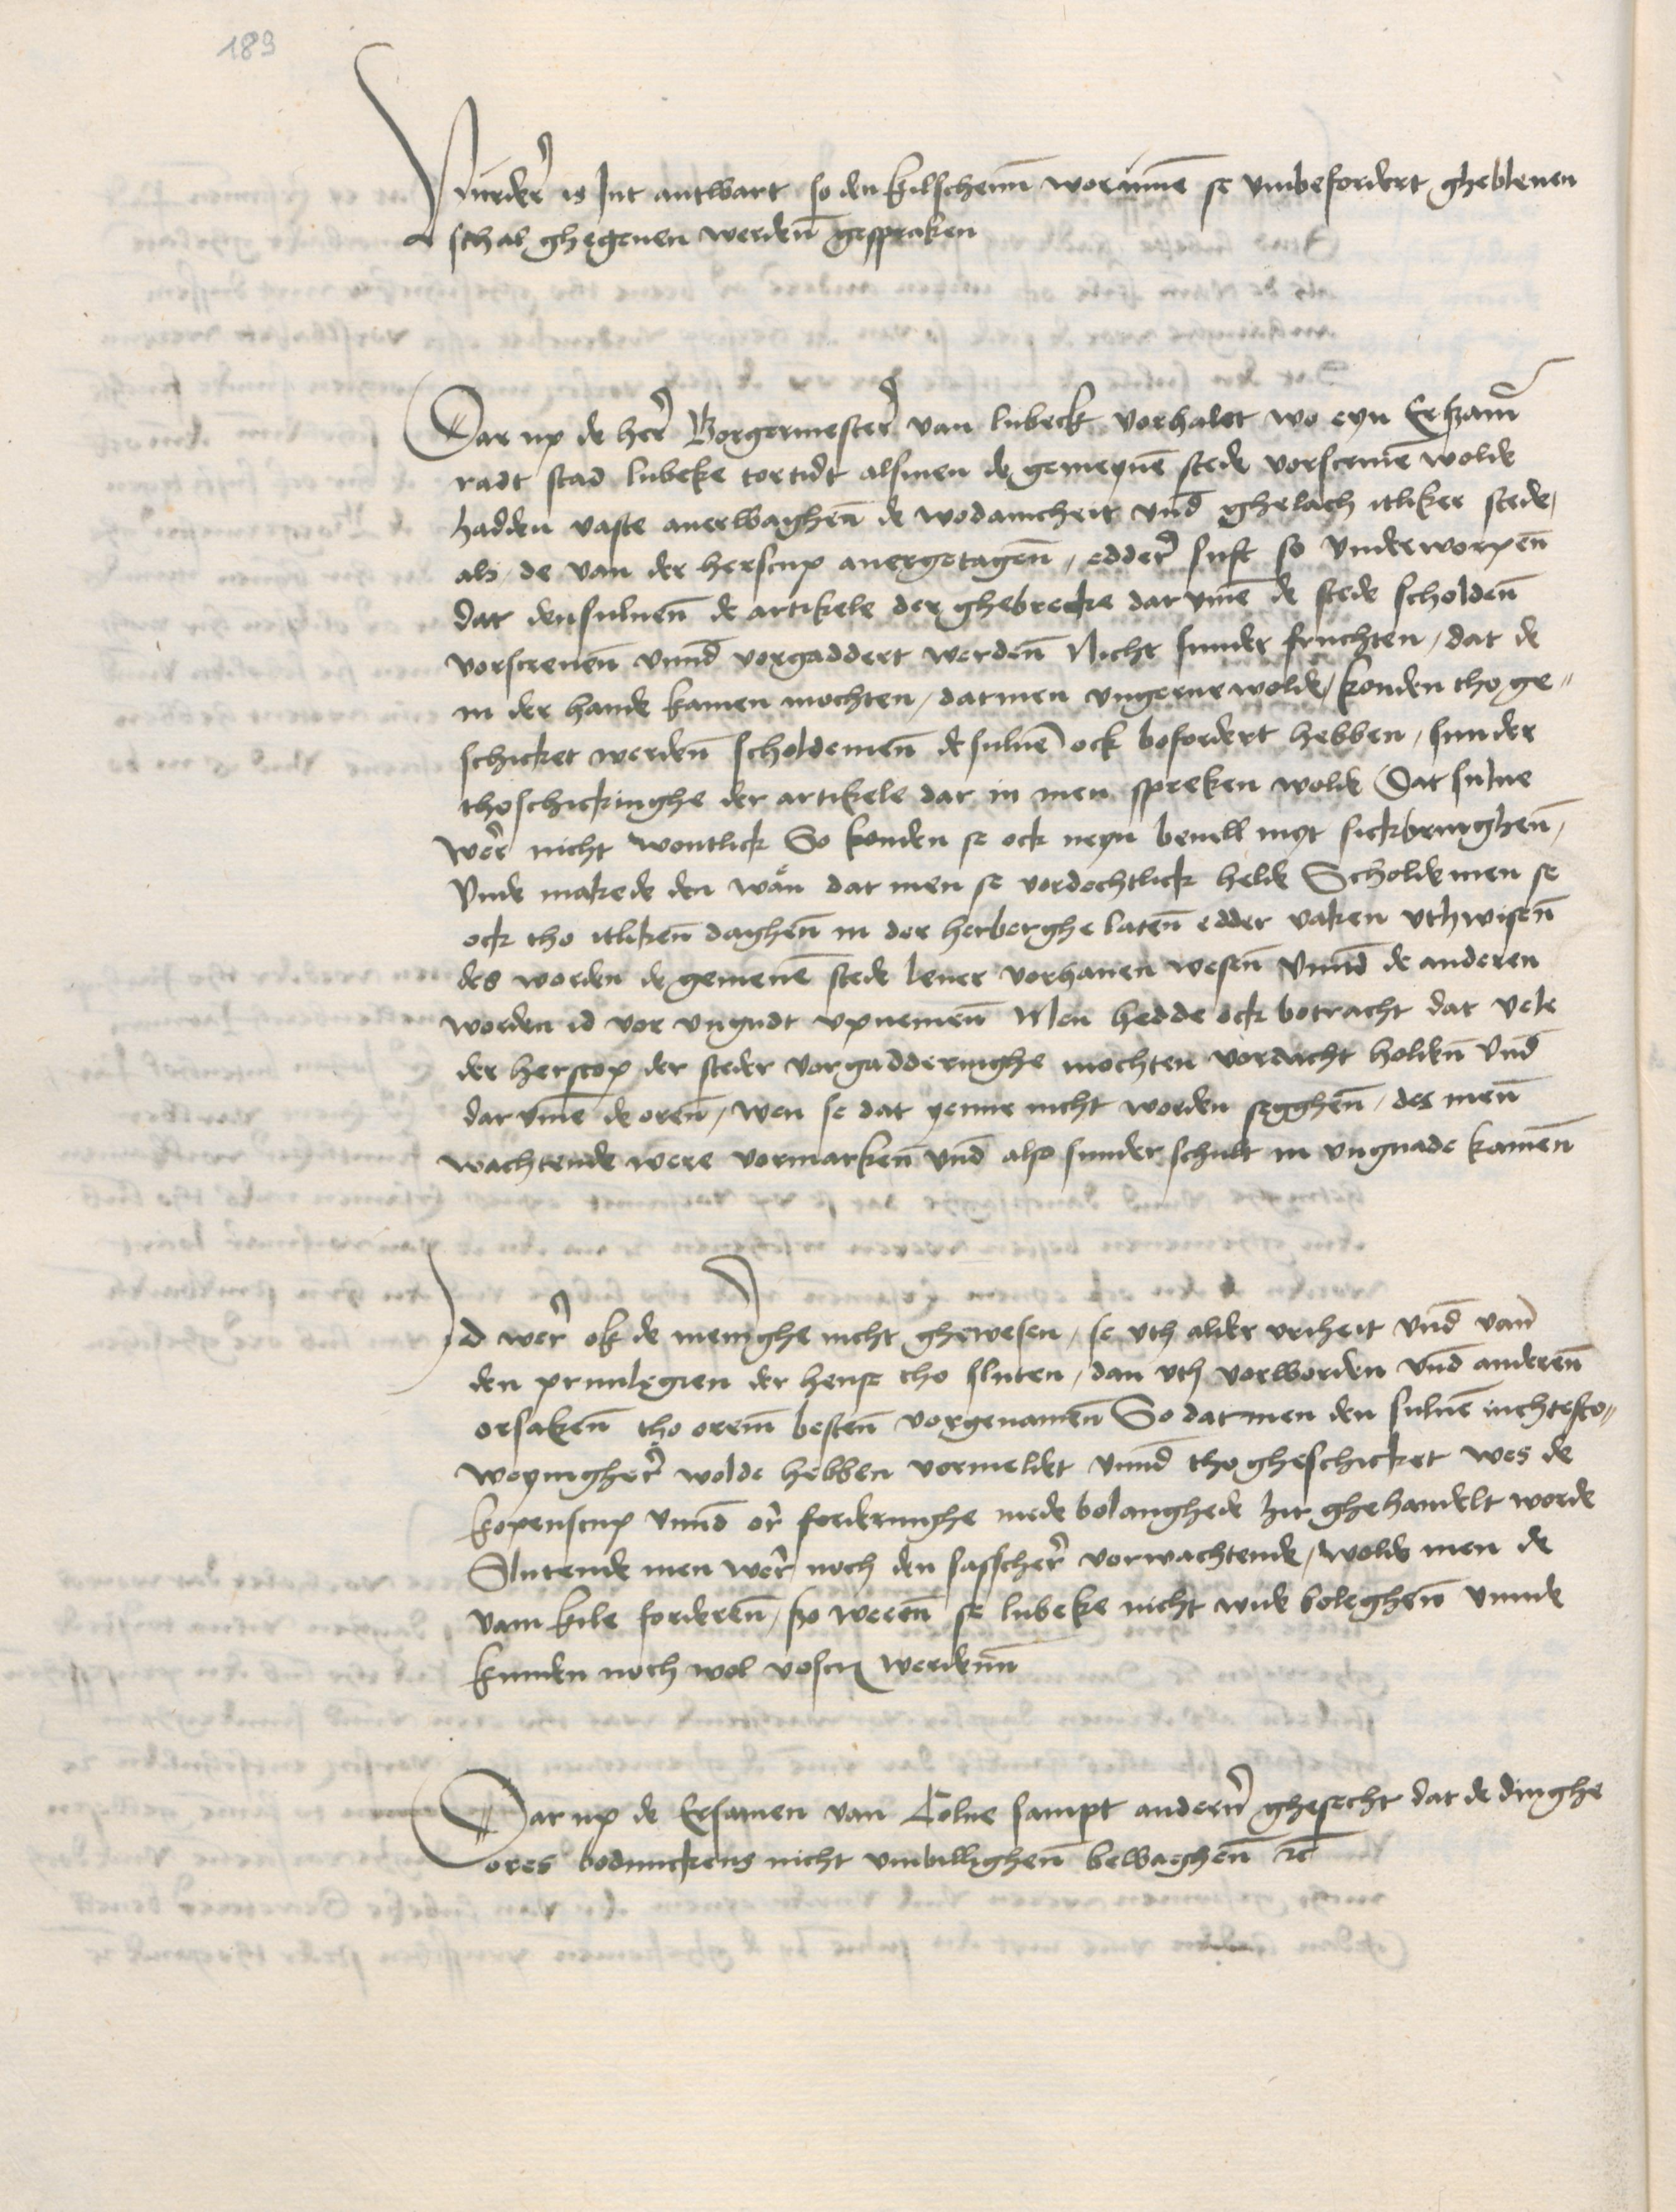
189
Vurdere is Jnt antwart so den kilschenn worumme se vmbefordert ghebleuen
schal ghegeuen werdenn gespraken
Dar up de here Borgermestere van Lubeck vorhalet wo eyn Ersamer
radt stad Lubeke tortidt alsinen de gemeynen stede vorscriuen wolde
hadden vaste auerwaghenn de wodanicheit vnde ghelach itliker stede,
als de van der herscup auergetagenn, eddere sick so vndeworpenn
dat densuluenn de artikele der ghebrecke dar vmme de stede scholdenn
vorscrenenn vnnde vorgaddert werdenn Nicht sunder fruchten, dat de
in der hande kamen mochten, datmen vngerne wolde, konden tho ge¬
schicket werdenn scholdemenn de suluen ock befordert hebben, sunder
thoschickinghe der artikele dar in men spreken wolde dat sulue
were nicht wontlick So konden se ock neyn beuell myt sickbringhenn,
Vnde makede den waen dat men se vordochtlick helden Scholde men se
ock tho itlikenn daghenn in der herberghe latenn edder vaken vthwisenn
des worden de gemenen stede leuer vorhanen wesenn vnnde de anderen
worden is vor vngudt vpnemenn Men hedde ock botracht dat vele
der herscop der steder vorgadderinghe mochten vordacht holdenn vnde
dar vmme de orenn, wen se dat yenne nicht worden segghenn, des menn
wachtende were vormarkenn vnde also sunder schult in vngnade kamenn
Jd were ok de meninghe nicht gehewesen, se vth alder vriheit vnde vann
den priuilegien der hense tho sluten, dan vth vorworden vnde anderenn
orsakenn tho oreme bestenn vorgenamenn So dat men den suluen nichtesto¬
woynighere wolde hebben vormeldet vnnde tho gheschichket wes de
kopenscuo vnnde ore forderinghe mede bolanghede hir ghehandelt worde
Slutende men were noch den sasscheren vorwachtende, wolde men de
vam Kile forderenn, so werenn se Lubeke nicht wide boleghenn vnnde
kunden noch wol voscn werdenn.
Dar up de Ersamen van Colne sampt anderen gehesecht dat de dinghe
ores bodunckens nicht vmbillighenn bewaghenn etc
